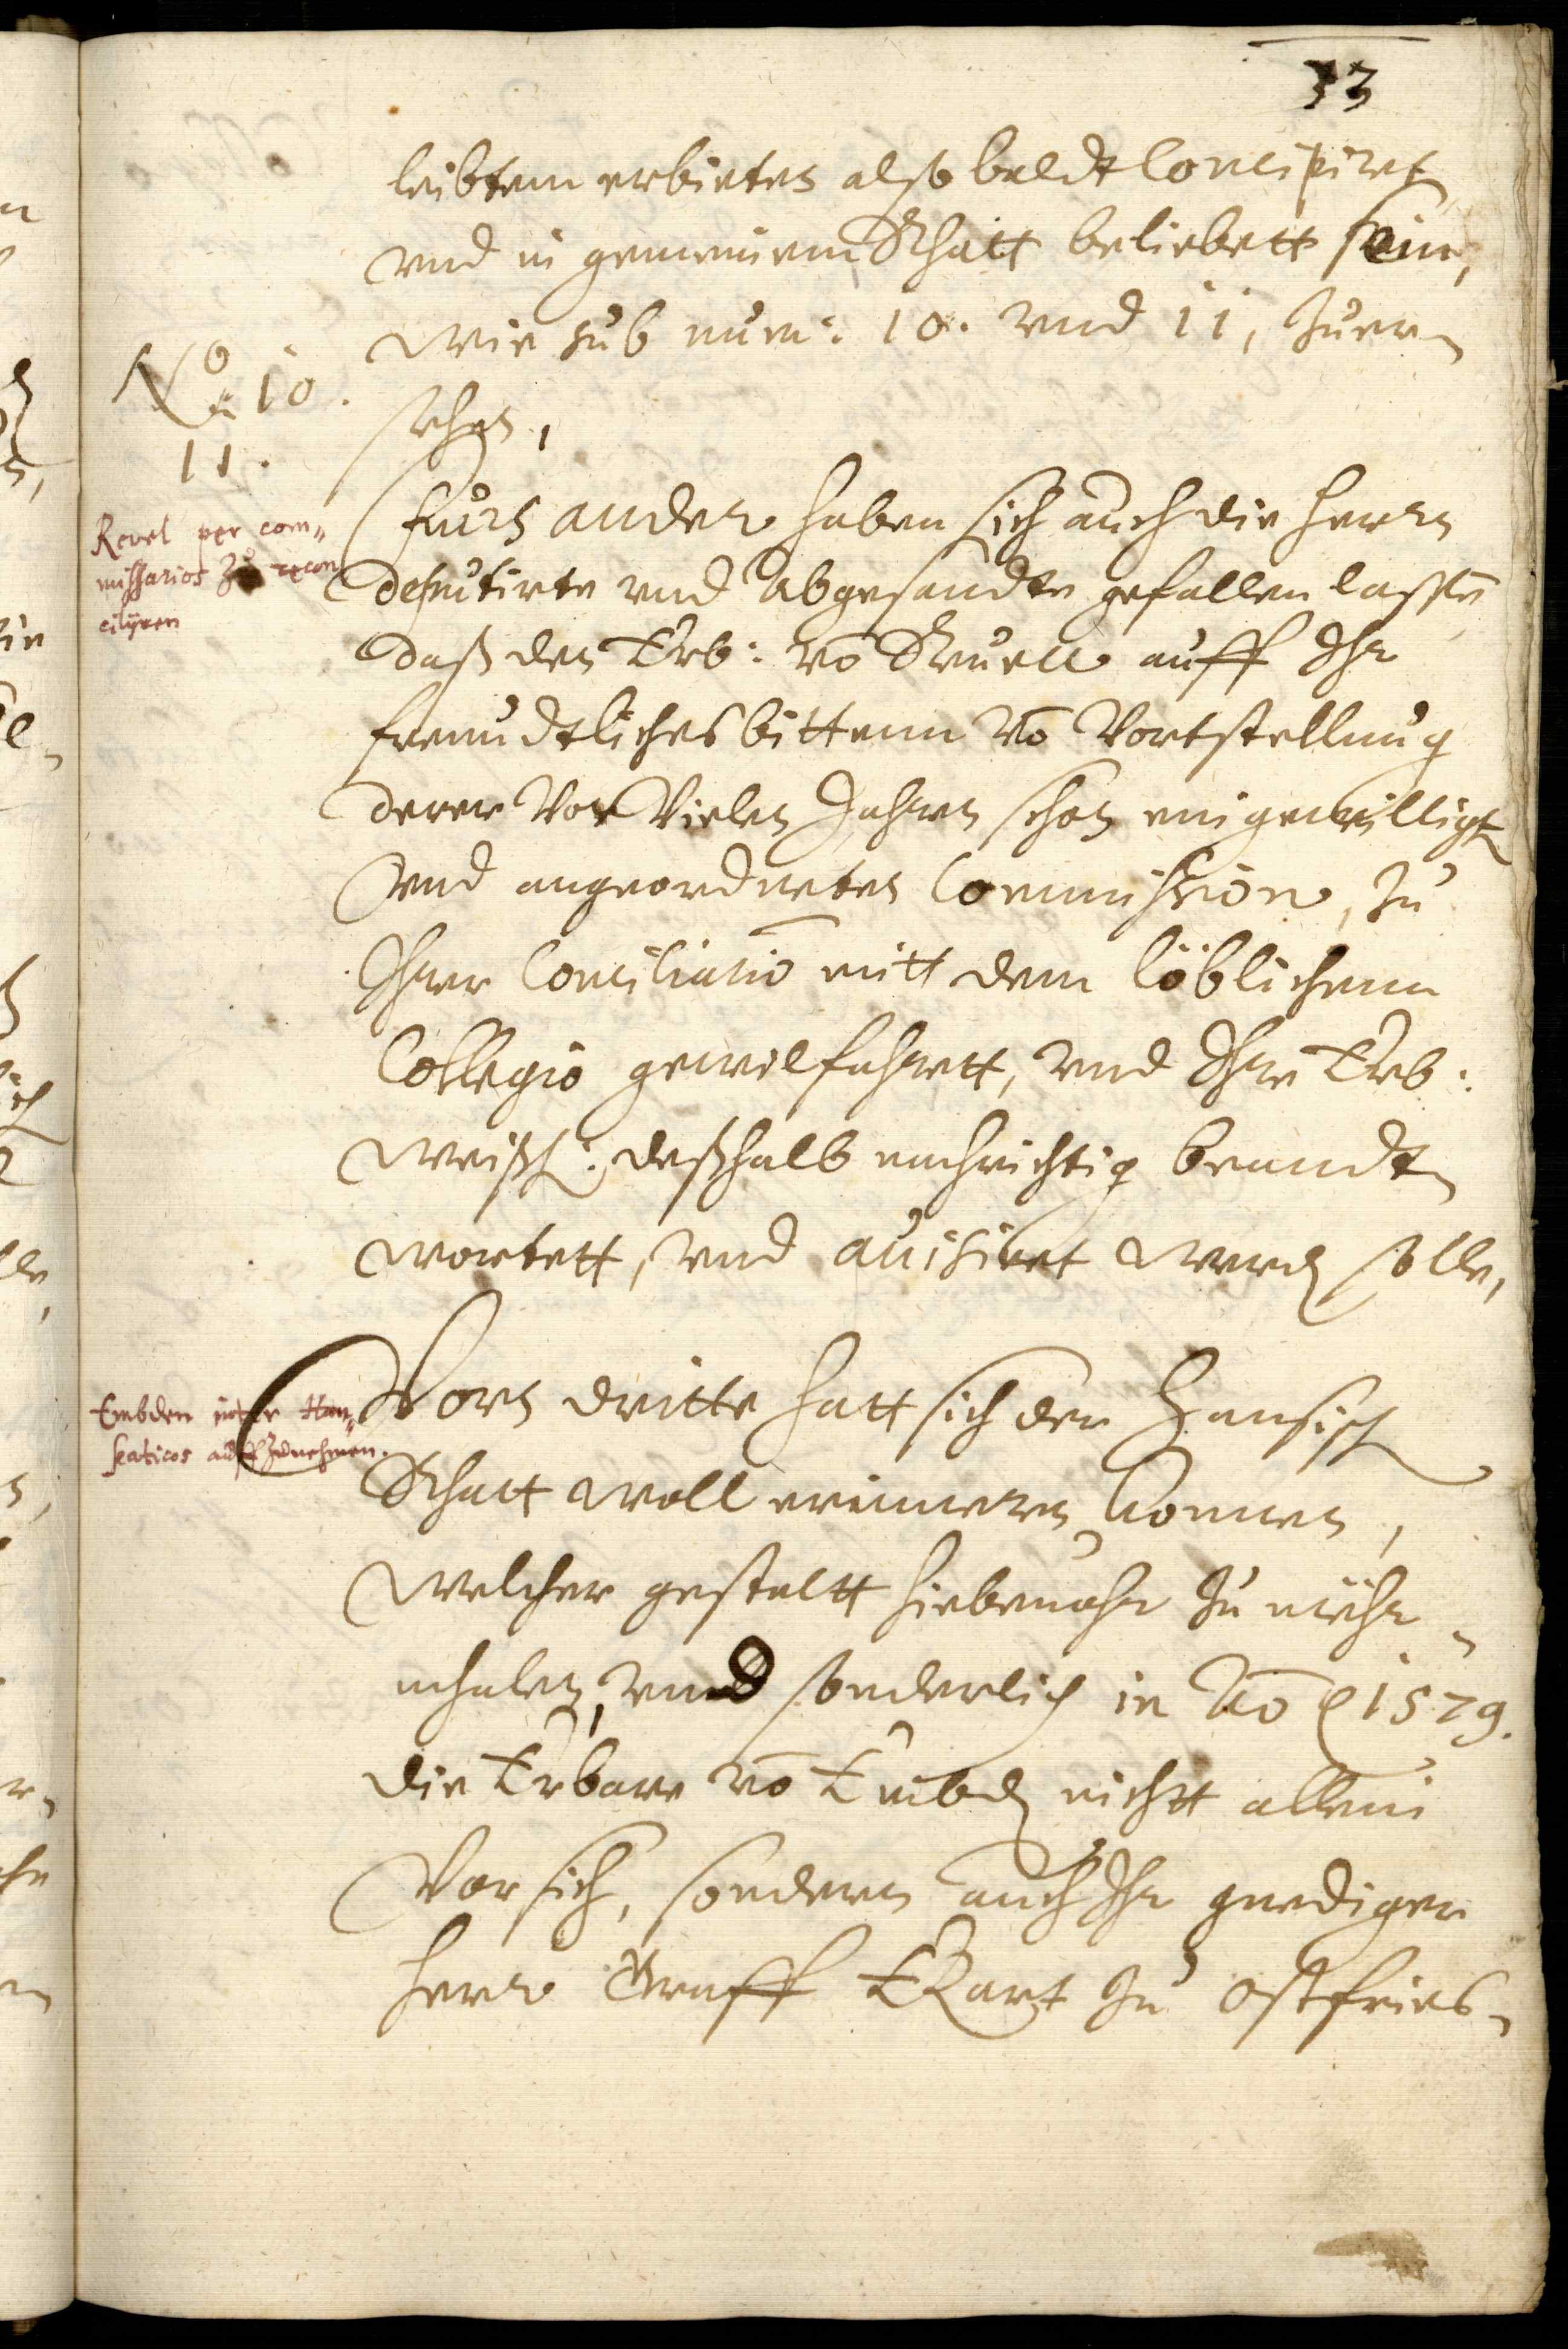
33
liebtem erbieten also baldt concipirt
vnd in gemeinem Rhatt beliebett sein,
wie sub num: 10. vnd 11, zuer¬
sehen,
No. 10.
11.
Revel per com¬
missarios zu recon¬
cilijren
Furs ander haben sich auch die herrn
Deputirte vnd Abgesandte gefallen lassen
Daß den Erb: von Reuell auff Ihr
freundtliches bittenn von vortstellung
derer vor vielen Jahren schon eingewilligten
vnd angeordneten Commission, zu
Ihrer Conciliation mitt dem löblichenn
Collegio gewilfuhrett, vnd Ihre Erb:
Weißh: deßhalb nachrichtig beandt¬
wortett, vnd auisiret werden solle,
Embden inter Han¬
seaticos auffzunehmen.
Vors dritte hatt sich der Hansischen
Rhatt woll erinneren konnen,
welcher gestaltt hiebeuohr zu mehr¬
mhalen, vndt sonderlich in Ao p 1529.
die Erbare von Embden nichtt allein
Vor sich, sondern auch Ihr gnediger
Herr Graff Etzart zu Ostfries¬
